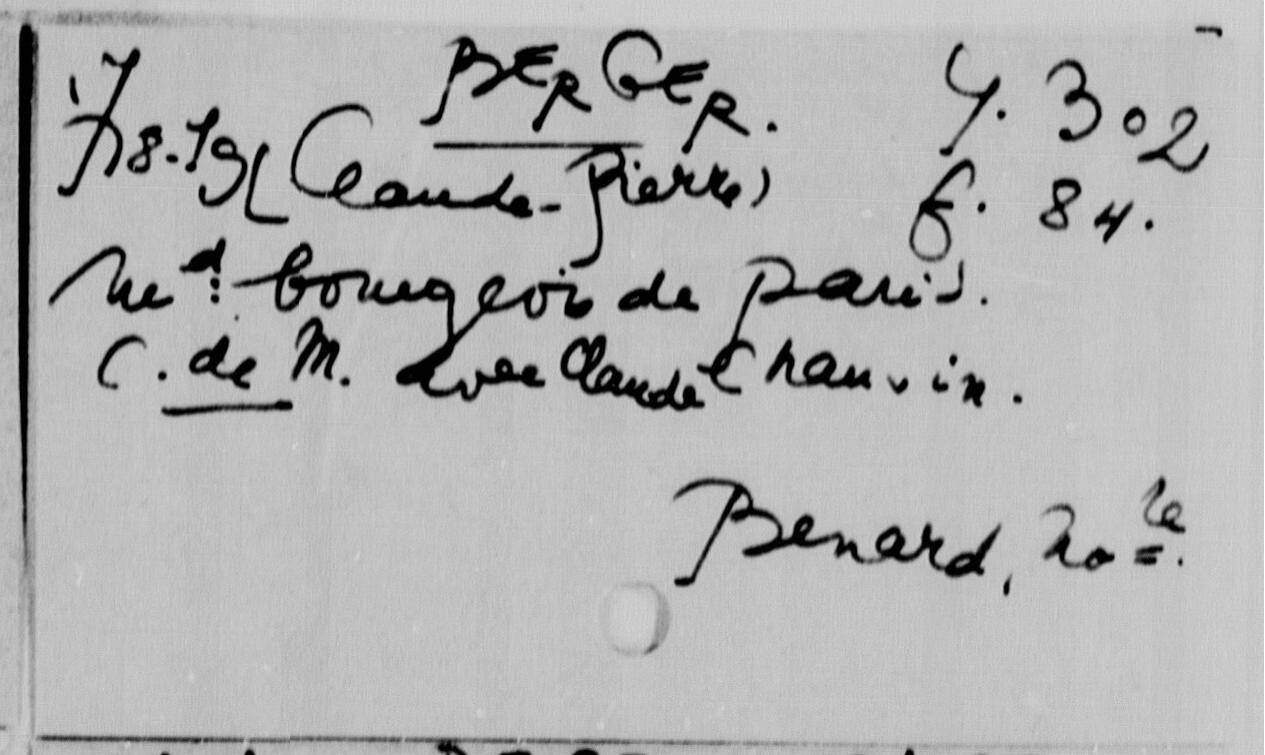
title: BERGER (Claude-Pierre)
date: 1718-1719
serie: Y
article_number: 302
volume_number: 84
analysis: Marchand bourgeois de Paris. Contrat de mariage avec Claude Chauvin. Benard, notaire.
